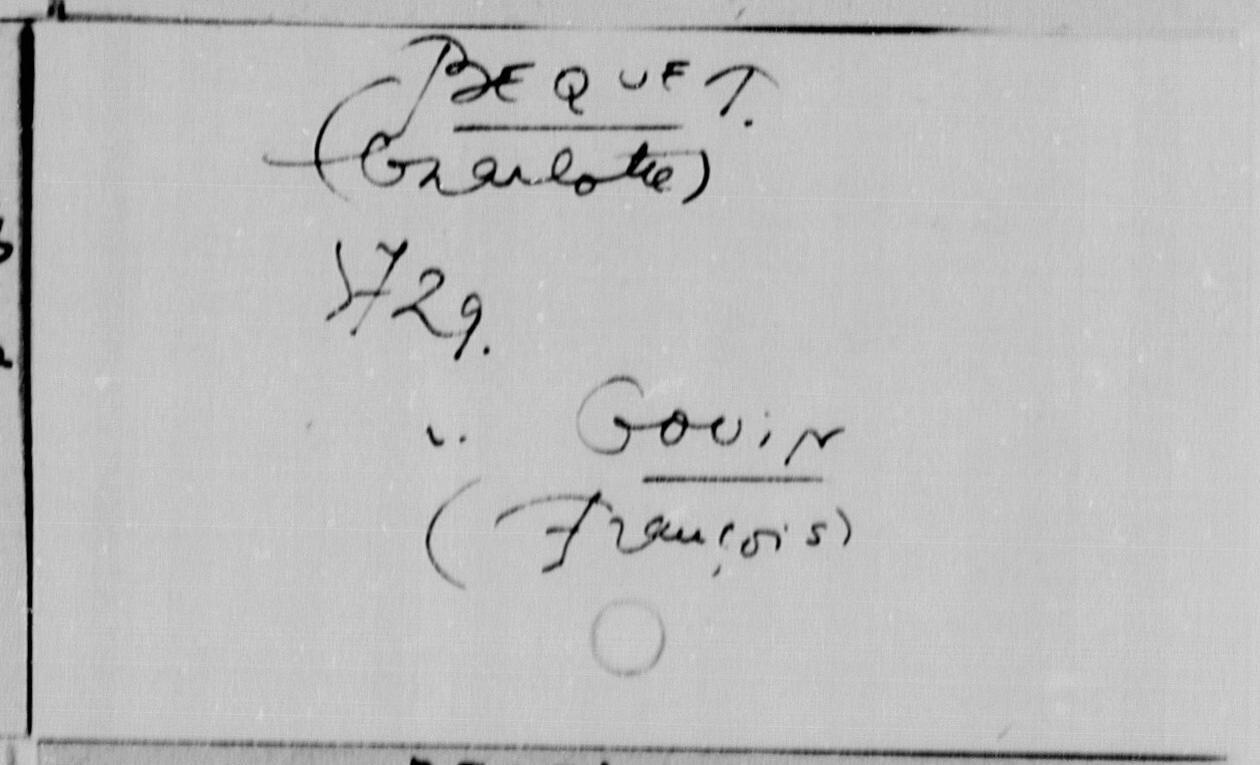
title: BEQUET (Charlotte)
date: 1729
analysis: Voir : GOUIN (François)
